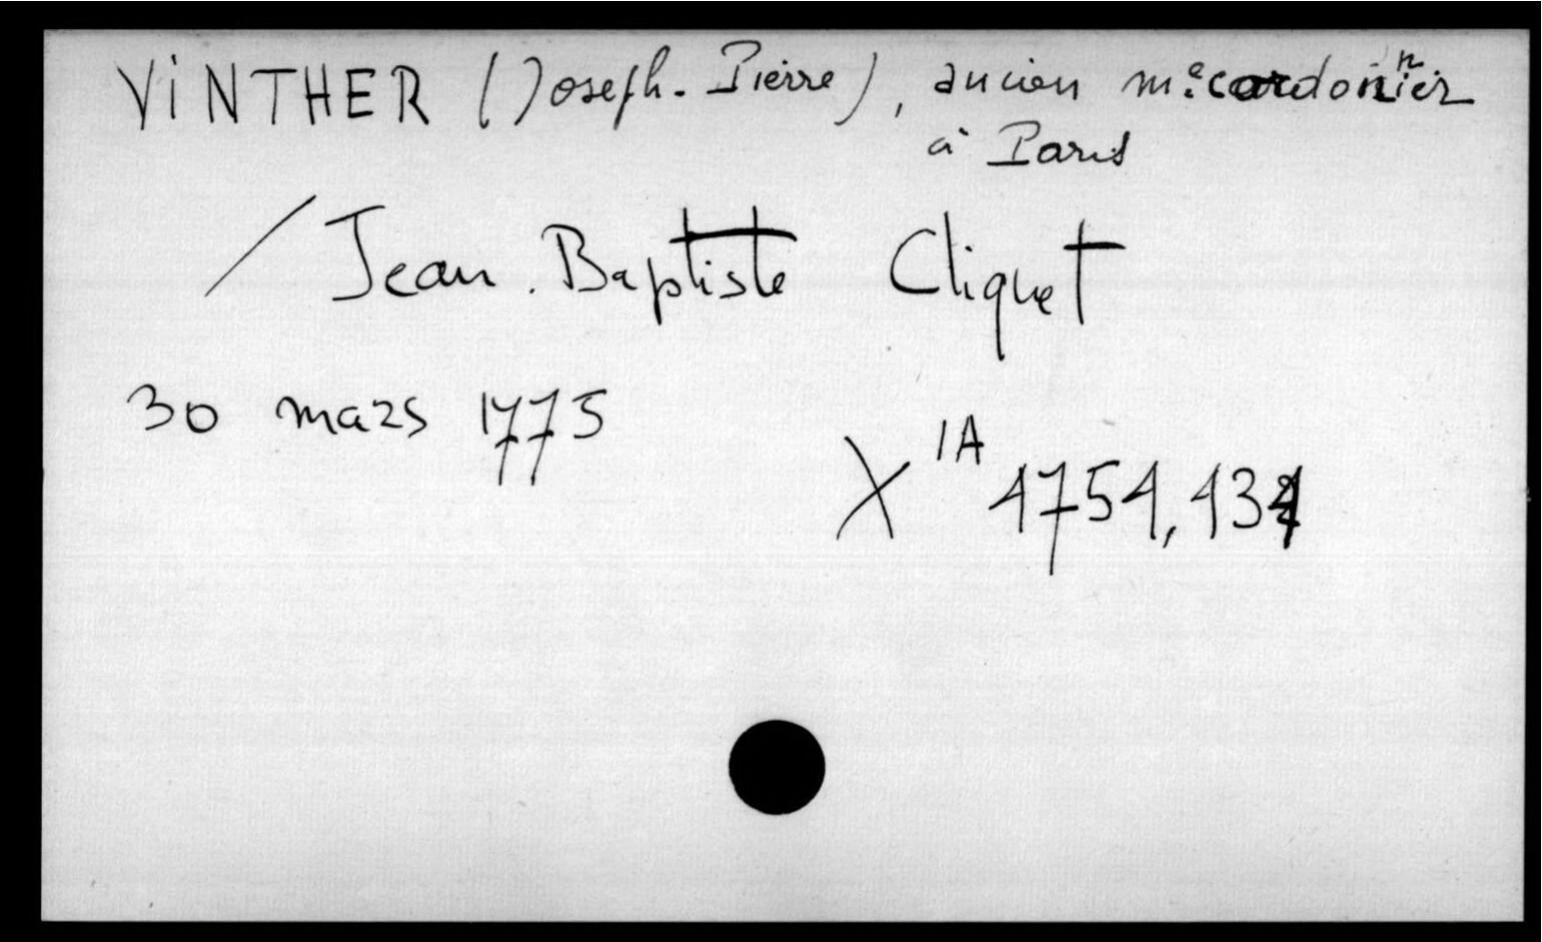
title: VINTHER (Joseph-Pierre), ancien maitre cordonnier à Paris
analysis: Contre Jean-Baptiste Cliquet
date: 30 mars 1775
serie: X1A
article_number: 4754
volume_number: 434
